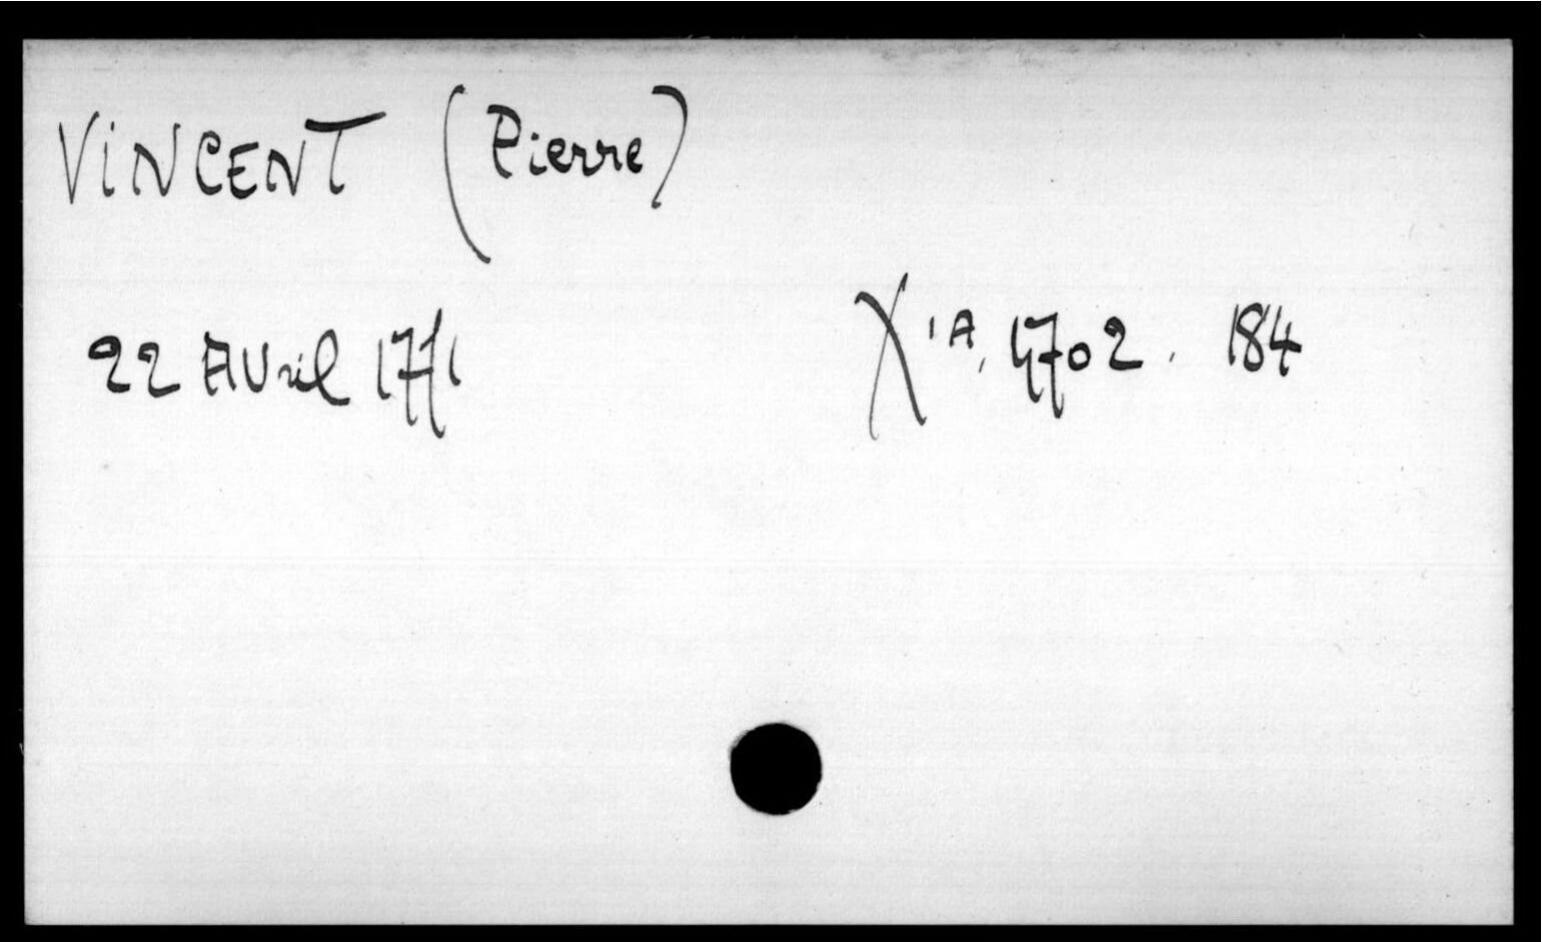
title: VINCENT (Pierre)
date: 22 avril 1771
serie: X1A
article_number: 4702
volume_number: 184
